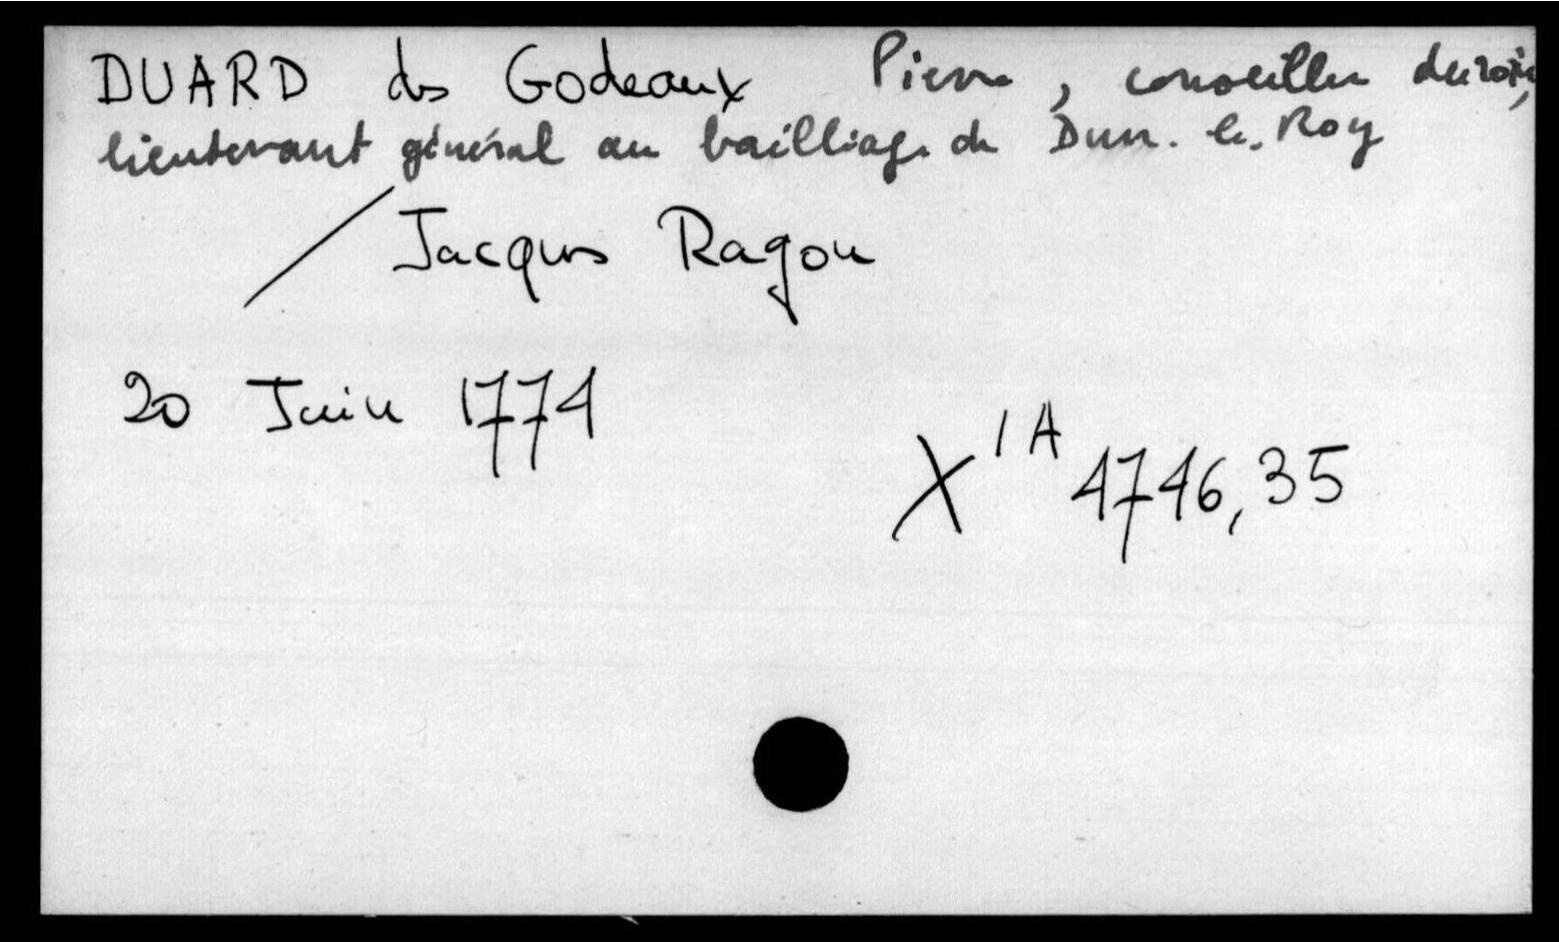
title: DUARD des Godeaux Pierre, conseiller du roi, lieutenant général au bailliage de Dun-le-Roy
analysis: Contre Jacques Ragou
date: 20 juin 1774
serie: X1A
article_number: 4746
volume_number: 35
